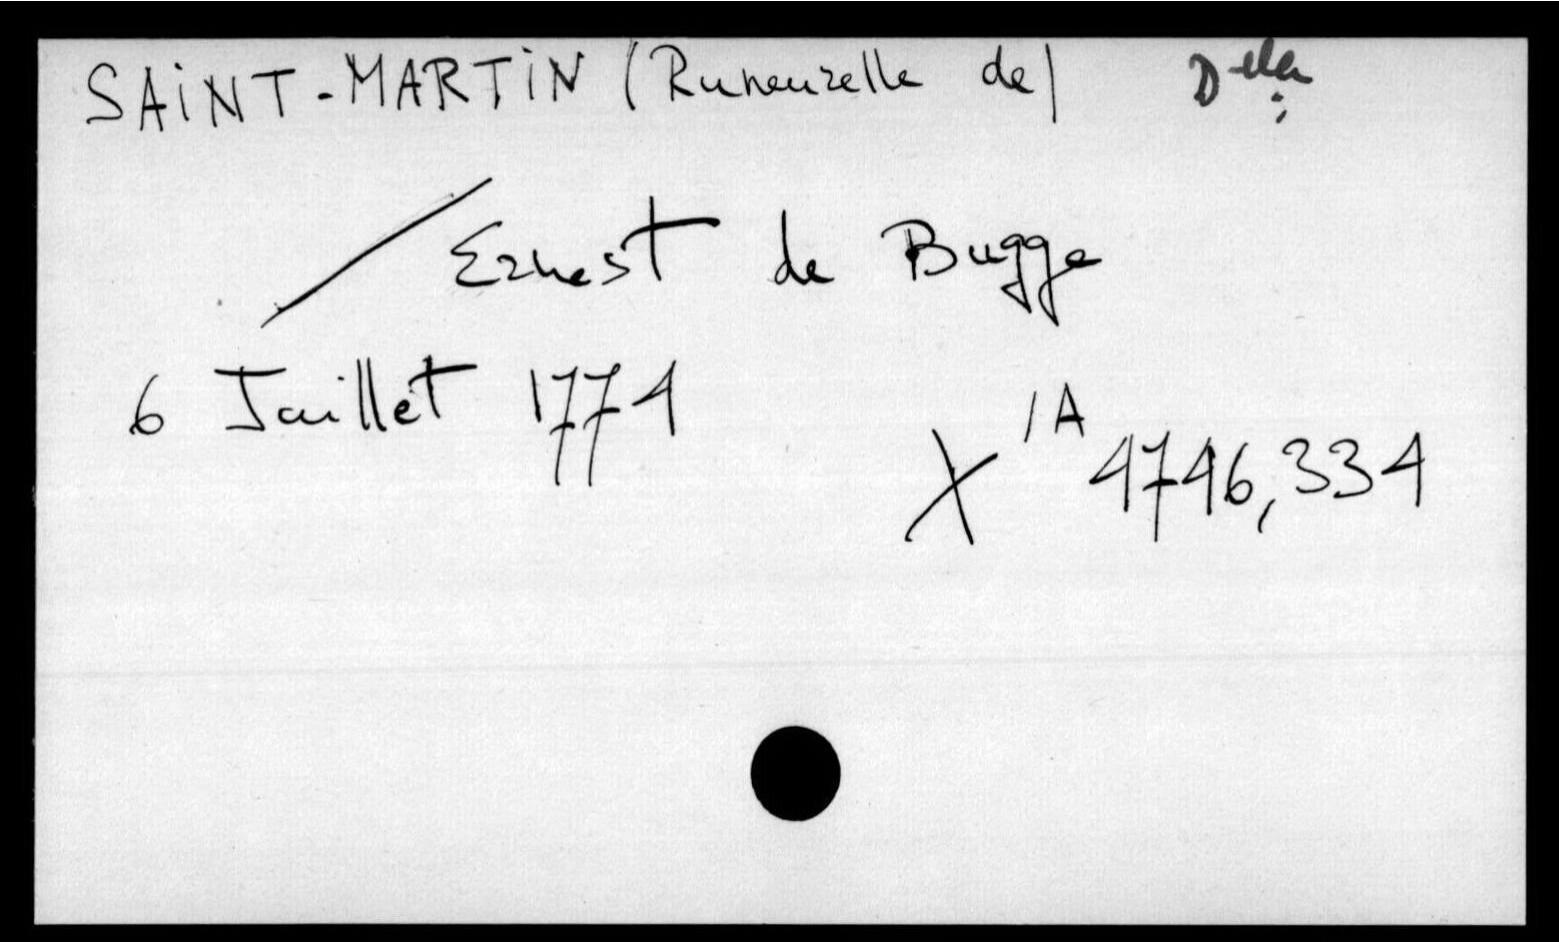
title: SAINT-MARTIN (Runeurelle de) Damoiselle
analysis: Contre Ernest de Bugge
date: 6 juillet 1774
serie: X1A
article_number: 4746
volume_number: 334
